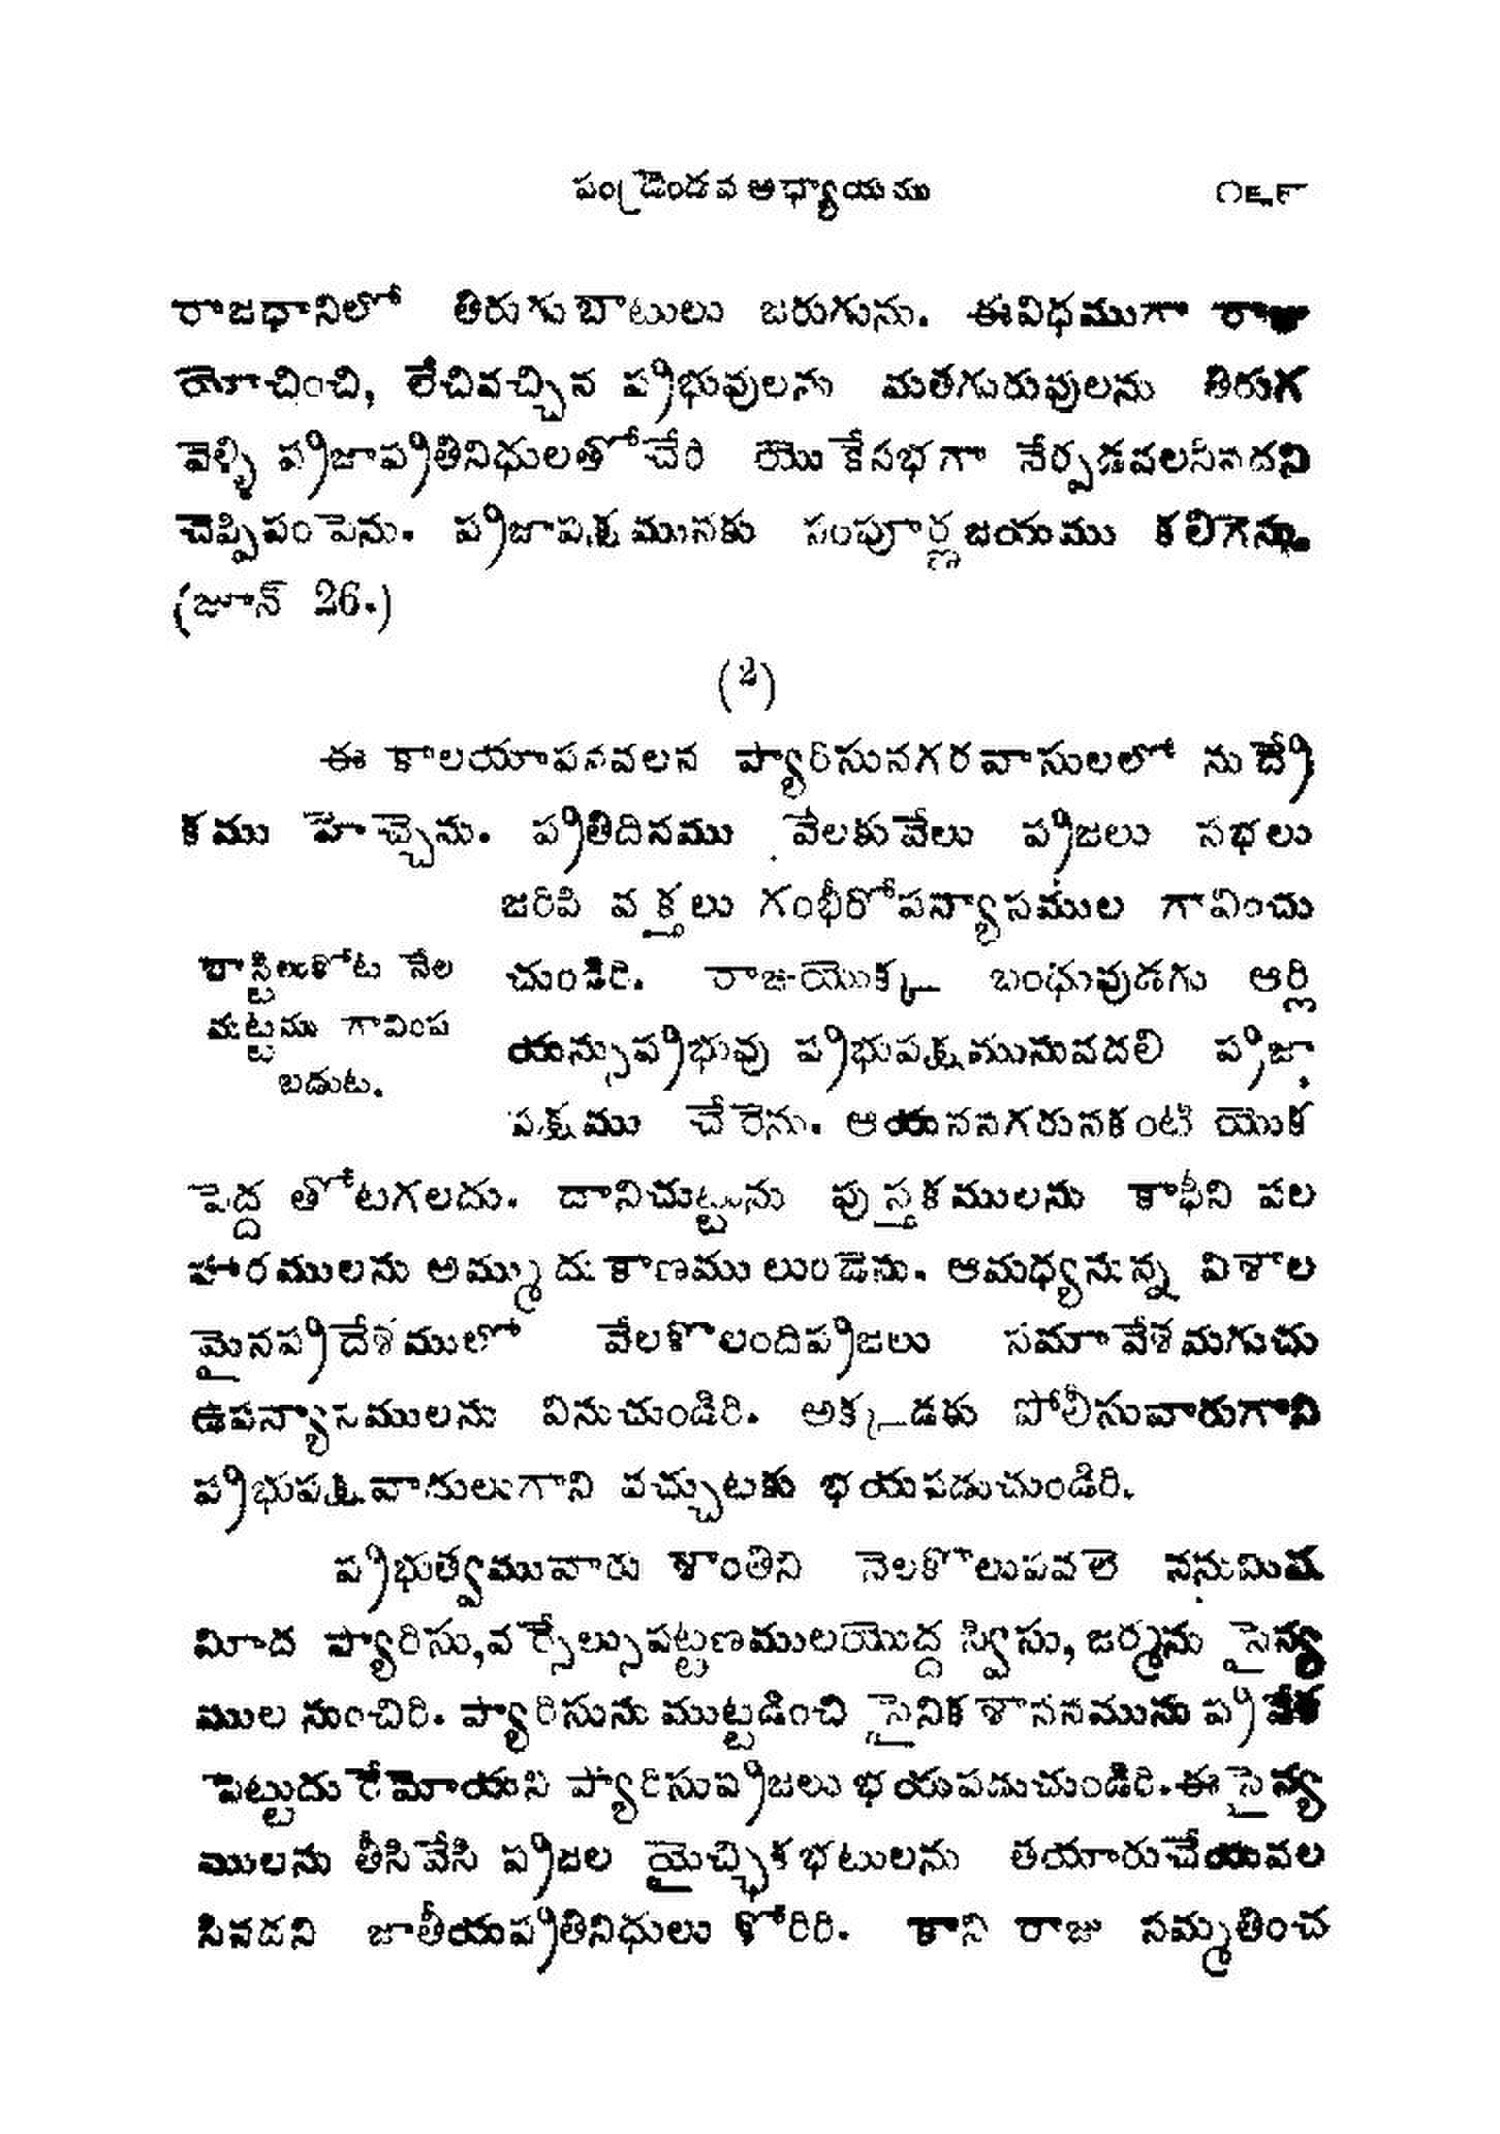కాస్టింకోట నేల
మట్టము గావింప
బడుట.
రాజధానిలో తిరుగు బాటులు జరుగును. ఈవిధముగా రాజు
యోచించి, లేచివచ్చిన ప్రభువులను మతగురువులను తిరగ
వెళ్ళి ప్రజాప్రతినిధులతో చేరి యొ కేసభగా నేర్పడవలసినదని
చెప్పి పం పెను. ప్రజాపక్ష మునకు సంపూర్ణ జయము కలిగెను
(జూన్ 26.)

బాస్టిలు కోటనేల
మట్టము గావింప
బడుట

ఈ కాలయాపనవలన ప్యారి సునగరవాసులలో నుద్రే
కము హెచ్చెను. ప్రతిదినము . వేలకు వేలు ప్రజలు సభలు
జరిపి వక్తలు గంభీరోపన్యాసముల గావించు
చుండిరి. రాజ యొక్క, బంధువుడగు ఆర్లీ
యన్సు ప్రభువు ప్రభుపక్ష మునువదలి ప్రజా
పక్షము చేరెను. ఆయననగరునకంటి యొక
పెద్ద తోటగలదు. దానిచుట్టును పుస్తకములను కాఫీని పల
హారములను అమ్ము దు కాణములుండెను, ఆమధ్య సున్న విశాల
మైన ప్రదేశములలో వేలకొలంది ప్రజలు సమావేశమగుచు
ఉపన్యాసములను వినుచుండిరి. అక్కడకు పోలీసు వారు గాని
ప్రభుపక్షవాదులు గాని వచ్చుటకు భయపడు చుండిరి.

ప్రభుత్వము వారు శాంతిని నెలకొలుపవలె సను మిష
మీద ప్యారిసు,వర్సేల్సు పట్టణములయొద్ద స్విసు, జర్మను సైన్య
ముల నుంచిరి. ప్యారిసుసు ముట్టడించి సైనిక శాసనమును ప్రవేశ
పెట్టుదురేమోయని ప్యా రిసు ప్రజలు భయపడుచుండిరి. ఈ సైన్య
ములను తీసి వేసి ప్రజల యైచ్ఛిక భటులను తయారుచేయవల
సివదని జాతీయ ప్రతినిధులు కోరిరి.కాని రాజు సమ్మతించ